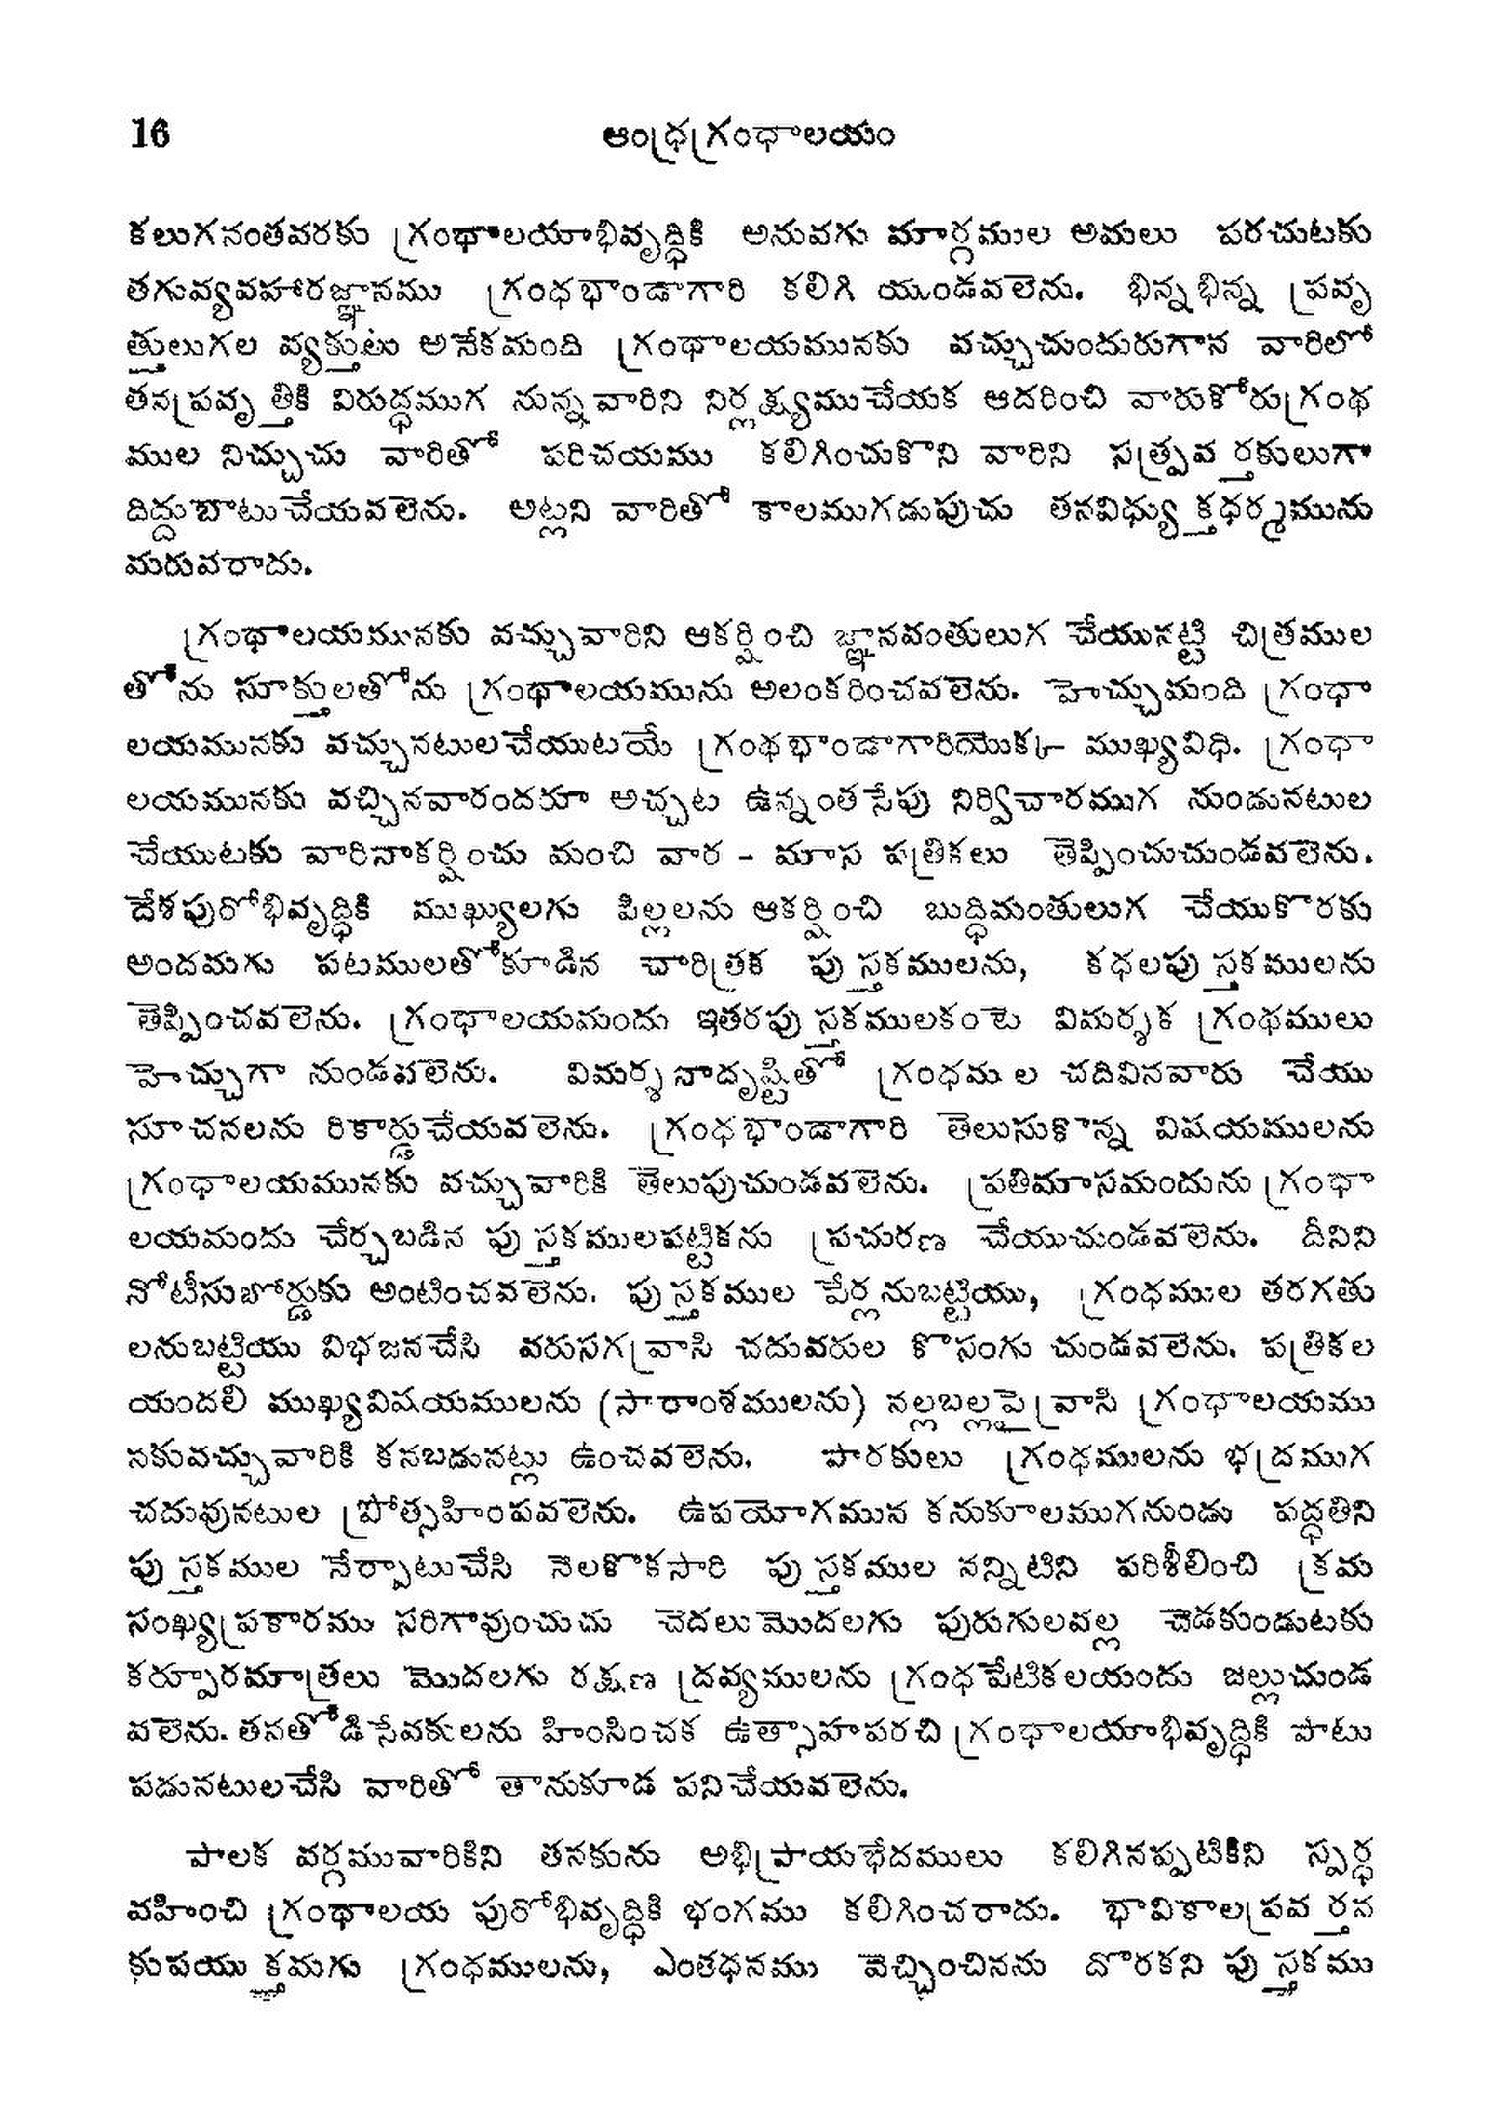కలుగనంతవరకు గ్రంథాలయాభివృద్ధికి అనువగు మార్గముల అమలు పరచుటకు తగువ్యవహారజ్ఞానము గ్రంధభాండాగారి కలిగి యుండవలెను. భిన్నభిన్న ప్రవృత్తులుగల వ్యక్తులు అనేకమంది గ్రంథాలయమునకు వచ్చుచుందురుగాన వారిలో తన ప్రవృత్తికి విరుద్ధముగ నున్న వారిని నిర్లక్ష్యము చేయక ఆదరించి వారు కోరుగ్రంథముల నిచ్చుచు వారితో పరిచయము కలిగించుకొని వారిని సత్ప్రవర్తకులుగా దిద్దుబాటు చేయవలెను. అట్లని వారితో కాలము గడుపుచు తనవిధ్యుక్తధర్మమును మరువరాదు.

గ్రంథాలయమునకు వచ్చువారిని ఆకర్షించి జ్ఞానవంతులుగ చేయునట్టి చిత్రముల తోను సూక్తులతోను గ్రంథాలయమును అలంకరించవలెను. హెచ్చుమంది గ్రంధాలయమునకు వచ్చునటుల చేయుటయే గ్రంథ భాండాగారియొక్క ముఖ్యవిధి. గ్రంథా
లయమునకు వచ్చినవారందరూ అచ్చట ఉన్నంతసేపు నిర్విచారముగ నుండునటుల చేయుటకు వారినాకర్షించు మంచి 
వార - మాస పత్రికలు తెప్పించుచుండవలెను. దేశపురోభివృద్ధికి ముఖ్యులగు పిల్లలను ఆకర్షించి బుద్ధిమంతులుగ చేయుకొరకు
అందమగు పటములతోకూడిన చారిత్రక పుస్తకములను, కధల పుస్తకములను తెప్పించవలెను. గ్రంథాలయమందు ఇతర
పుస్తకముకంటే విమర్శక గ్రంథములు హెచ్చుగా నుండవలెను. విమర్శనాదృష్టితో గ్రంధములు చదివినవారు చేయు సూచనలను 
రికార్డు చేయవలెను. గ్రంథ భాండాగారి తెలుసుకొన్న విషయములను గ్రంధాలయమునకు వచ్చువారికి తెలుపుచుండవలెను. ప్రతిమాసమందును గ్రంథాలయమందు చేర్చబడిన పుస్తకముల పట్టికను ప్రచురణ చేయుచుండవలెను. దీనిని నోటీసుబోర్డుకు అంటించవలెను. పుస్తకముల పేర్లనుబట్టియు, గ్రంధముల తరగతులనుబట్టియు విభజన చేసి వరుసగ వ్రాసి చదువరుల కొసంగు చుండవలెను. పత్రికలయందలి ముఖ్య విషయములను (సారాంశములను) నల్లబల్లపై వ్రాసి గ్రంధాలయముసకువచ్చువారికి 
కనబడునట్లు ఉంచవలెను. పారకులు గ్రంధములను భద్రముగ చదువునటుల ప్రోత్సహింపవలెను. ఉపయోగమున 
కనుకూలముగనుండు పద్ధతిని పుస్తకములు నేర్పాటు చేసి నెల కొకసారి పుస్తకముల నన్నిటిని పరిశీలించి క్రమ సంఖ్యప్రకారము సరిగావుంచుచు చెదలు మొదలగు పురుగుల వల్ల చెడకుండుటకు కర్పూరమాత్రలు మొదలగు రక్షణ ద్రవ్యములను 
గ్రంధపేటికలయందు జల్లుచుండలెను. తనతోడి సేవకులను హింసించక ఉత్సాహపరచి గ్రంధాలయాభివృద్ధికి పాటు పడునటుల
చేసి వారితో తానుకూడ పనిచేయవలెను.
|
పాలక వర్గము వారికిని తనకును అభిప్రాయభేదములు కలిగినప్పటికిని స్పర్ధ వహించి గ్రంథాలయ పురోభివృద్ధికి భంగము 
కలిగించరాదు. భావికాలప్రవర్తన కుపయుక్తమగు గ్రంధములను, ఎంతధనము వెచ్చించినను దొరకని పుస్తకము